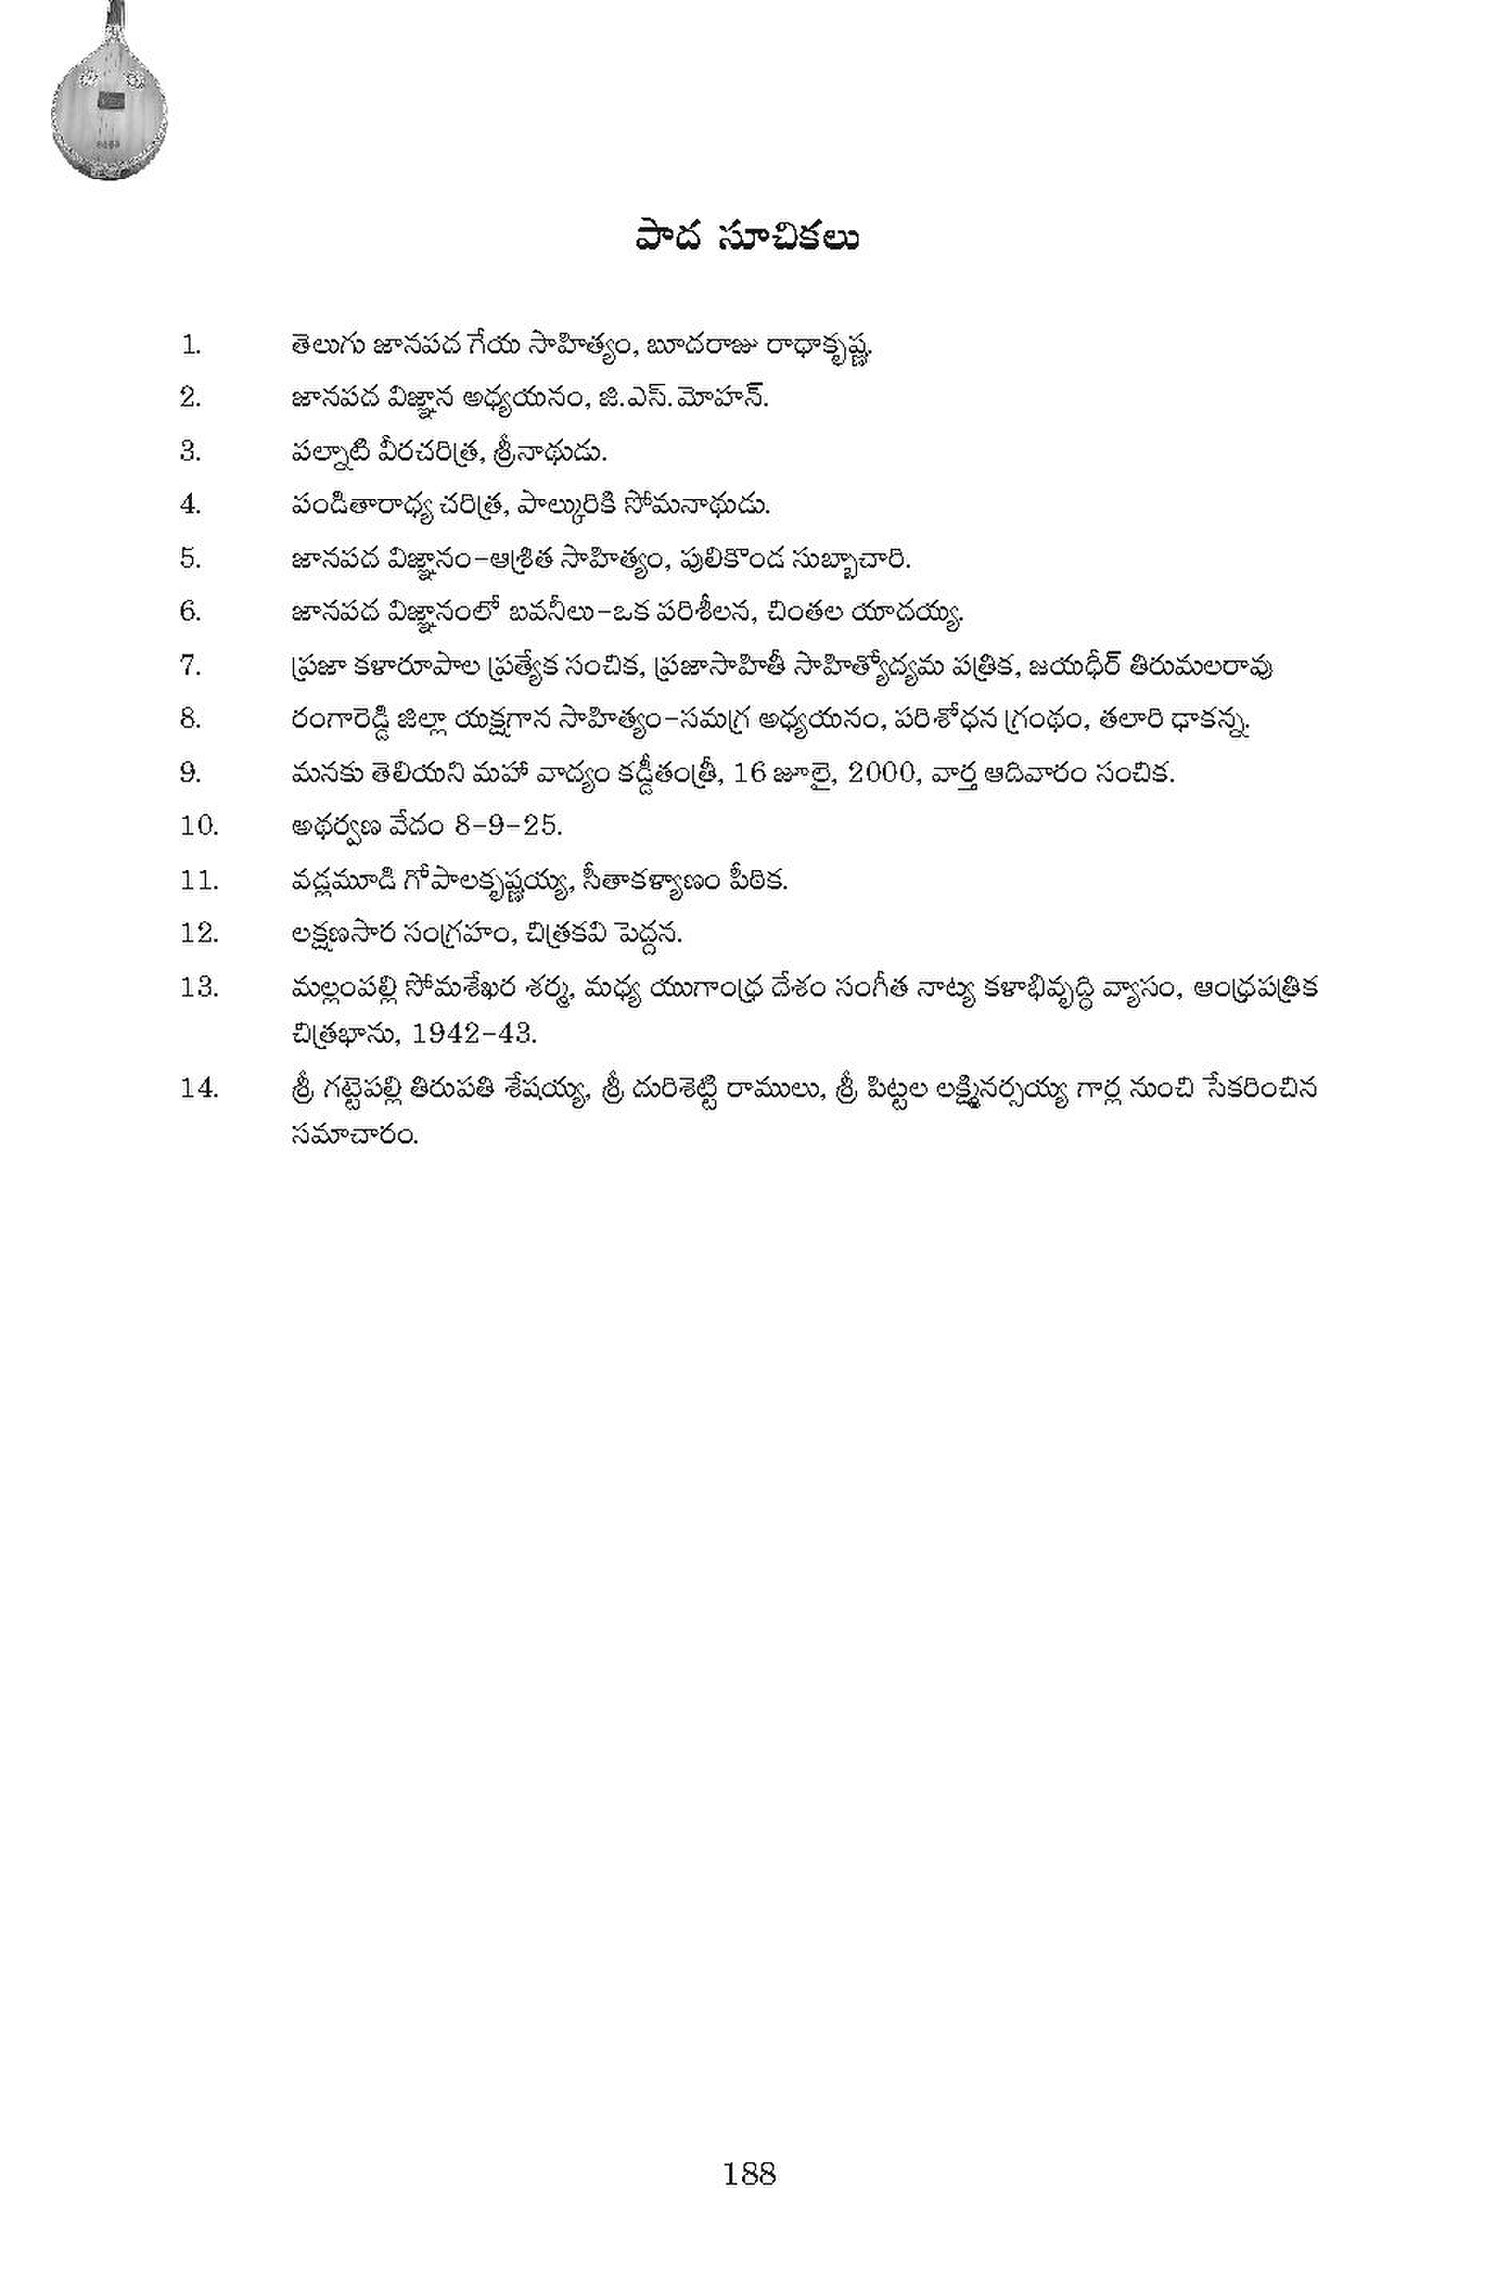1. తెలుగు జానపద గేయ సాహిత్యం, బూదరాజు రాధాకృష్ణ.

2. జానపద విజ్ఞాన అధ్యయనం, జి.ఎస్.మోహన్.

3. పల్నాటి వీరచరిత్ర, శ్రీనాథుడు.

4. పండితారాధ్య చరిత్ర, పాల్కురికి సోమనాథుడు.

5. జానపద విజ్ఞానం-ఆశ్రిత సాహిత్యం, పులికొండ సుబ్బాచారి.

6. జానపద విజ్ఞానంలో బవనీలు-ఒక పరిశీలన, చింతల యాదయ్య.

7. ప్రజా కళారూపాల ప్రత్యేక సంచిక, ప్రజాసాహితీ సాహిత్యోద్యమ పత్రిక, జయధీర్ తిరుమలరావు

8. రంగారెడ్డి జిల్లా యక్షగాన సాహిత్యం - సమగ్ర అధ్యయనం, పరిశోధన గ్రంథం, తలారి ఢాకన్న.

9. మనకు తెలియని మహా వాద్యం కడ్డీతంత్రీ, 16 జూలై, 2000, వార్త ఆదివారం సంచిక.

10. అథర్వణ వేదం 8-9-25.

11. వడ్లమూడి గోపాలకృష్ణయ్య, సీతాకళ్యాణం పీఠిక.

12. లక్షణసార సంగ్రహం, చిత్రకవి పెద్దన.

13.మల్లంపల్లి సోమశేఖర శర్మ, మధ్య యుగాంధ్ర దేశం సంగీత నాట్య కళాభివృద్ధి వ్యాసం, ఆంధ్రపత్రిక చిత్రభాను, 1942-43.

14. శ్రీ గట్టెపల్లి తిరుపతి శేషయ్య, శ్రీ దురిశెట్టి రాములు, శ్రీ పిట్టల లక్ష్మినర్సయ్య గార్ల నుంచి సేకరించిన సమాచారం.